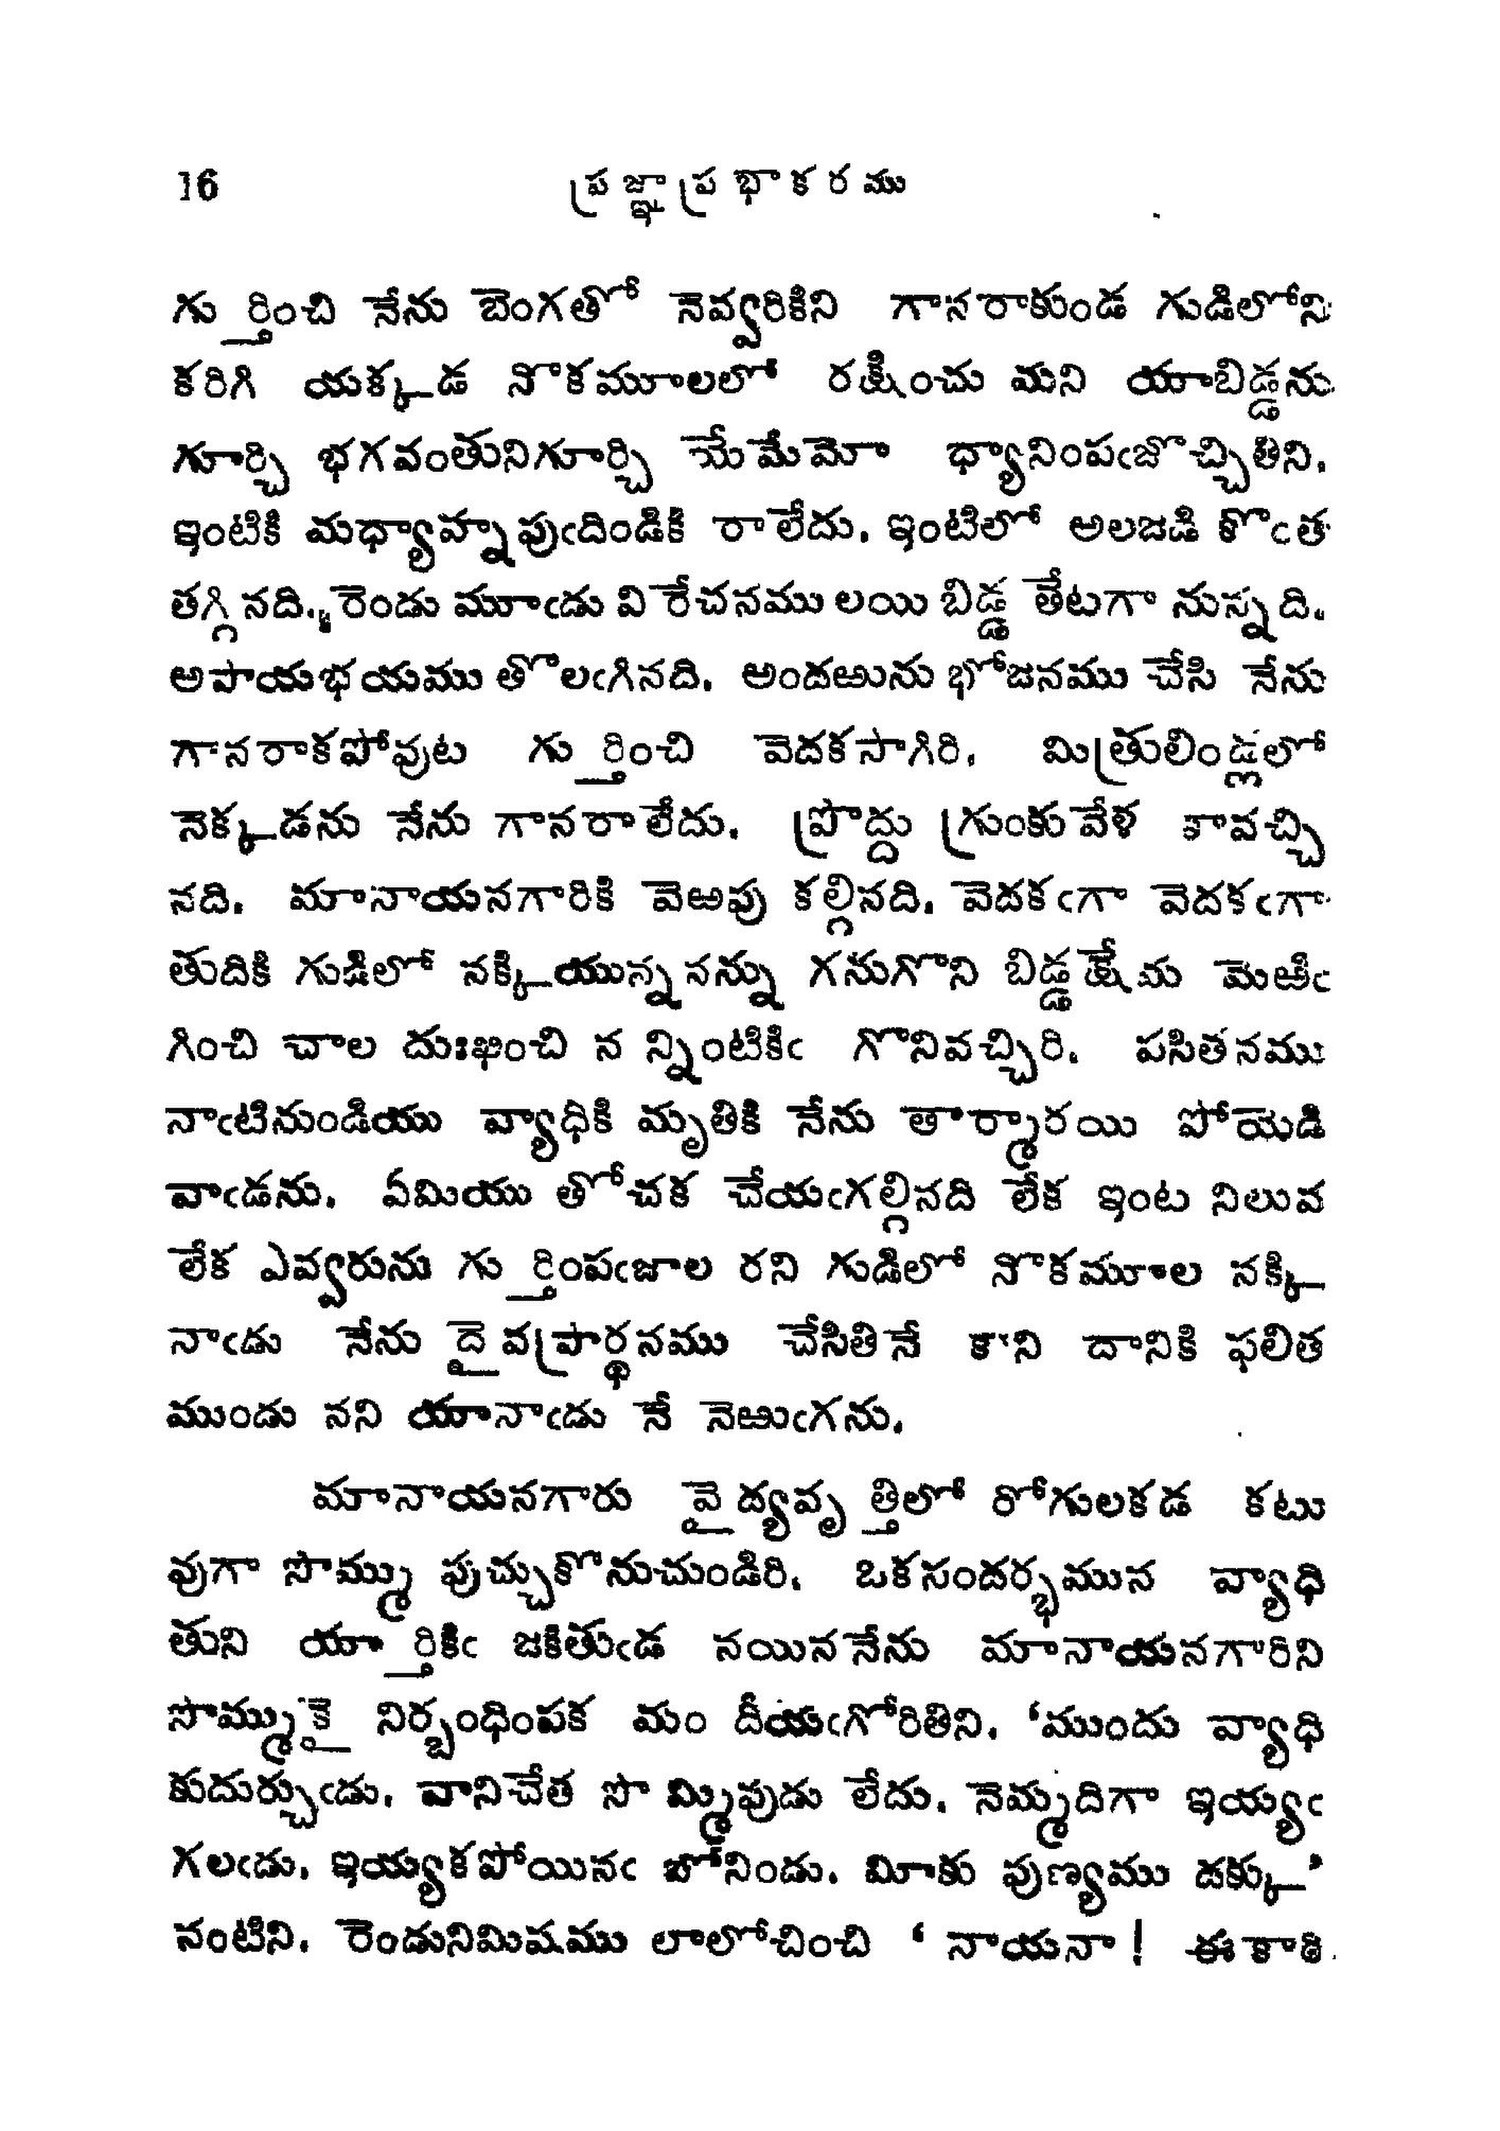గుర్తించి నేను బెంగతో నెవ్వరికిని గానరాకుండ గుడిలోని కరిగి యక్కడ నొకమూలలో రక్షించు మని యాబిడ్డను గూర్చి భగవంతుని గూర్చి యేమేమో ద్యానింపఁ జొచ్చితిని. ఇంటికి మధ్యాహ్నపుఁ దిండికి రాలేదు. ఇంటిలో అలజడి కొంత తగ్గినది. రెండు మూఁడు విరేచనములయి బిడ్డ తేటగా నున్నది. అపాయభాయము తొలఁ గినది. అందఱును భోజనము చేసి నేను గానరాక పోవుట గుర్తించి వెదక సాగిరి. మిత్రులిండ్లలో నెక్కడను నేను గానరాలేదు. ప్రొద్దు గ్రుంకు వేళ కావచ్చినది. మా నాయన గారికి వెఱపు కల్గినది. వెదకఁ గా వెదకఁ గా తుదికి గుడిలో నక్కియున్ననన్ను గనుగొని బిడ్డ క్షేమ మెఱిఁగించి చాల దుఃఖించినన్నింటికిఁ గొని వచ్చిరి. పసితనము నాఁ టినుండియు వ్యాధికి మృతికి నేను తార్మారయి పోయెడి వాఁడను. ఏమియు తోచక చేయఁ గల్గినది లేక ఇంత నిలువలేక ఎవ్వరును గుర్తింపఁ జాల రని గుడిలో నొక మూల నక్కి నాఁ డు నేను దైవప్రార్ధనము చేసితినే కాని దానికి ఫలితముండు అని యానాఁ డు నే నేఱుఁగను.
 
మా నాయనగారు వైద్యవృత్తిలో రోగులకడ కటువుగా సొమ్ము పుచ్చుకొనుచుండిరి. ఒక సందర్బమున వ్యాధితుని యార్తికిఁజకితుఁ డ నయిన నేను మా నయనగారిని సొమ్ముకి నిర్బందింపక మం దీయఁ గోరితిని.' ముందు వ్యాధి కుదుర్చుఁడు. వాని చేత సోమ్మిపుడు లేదు. నెమ్మదిగా ఇయ్యఁ గలఁ డు. ఇయ్యక పోయినఁ బోనిండు. మికు పుణ్యము దక్కు' నంటిని. రెండు నిమిషము లాలోచించి ' నాయనా! ఈ కాఠి